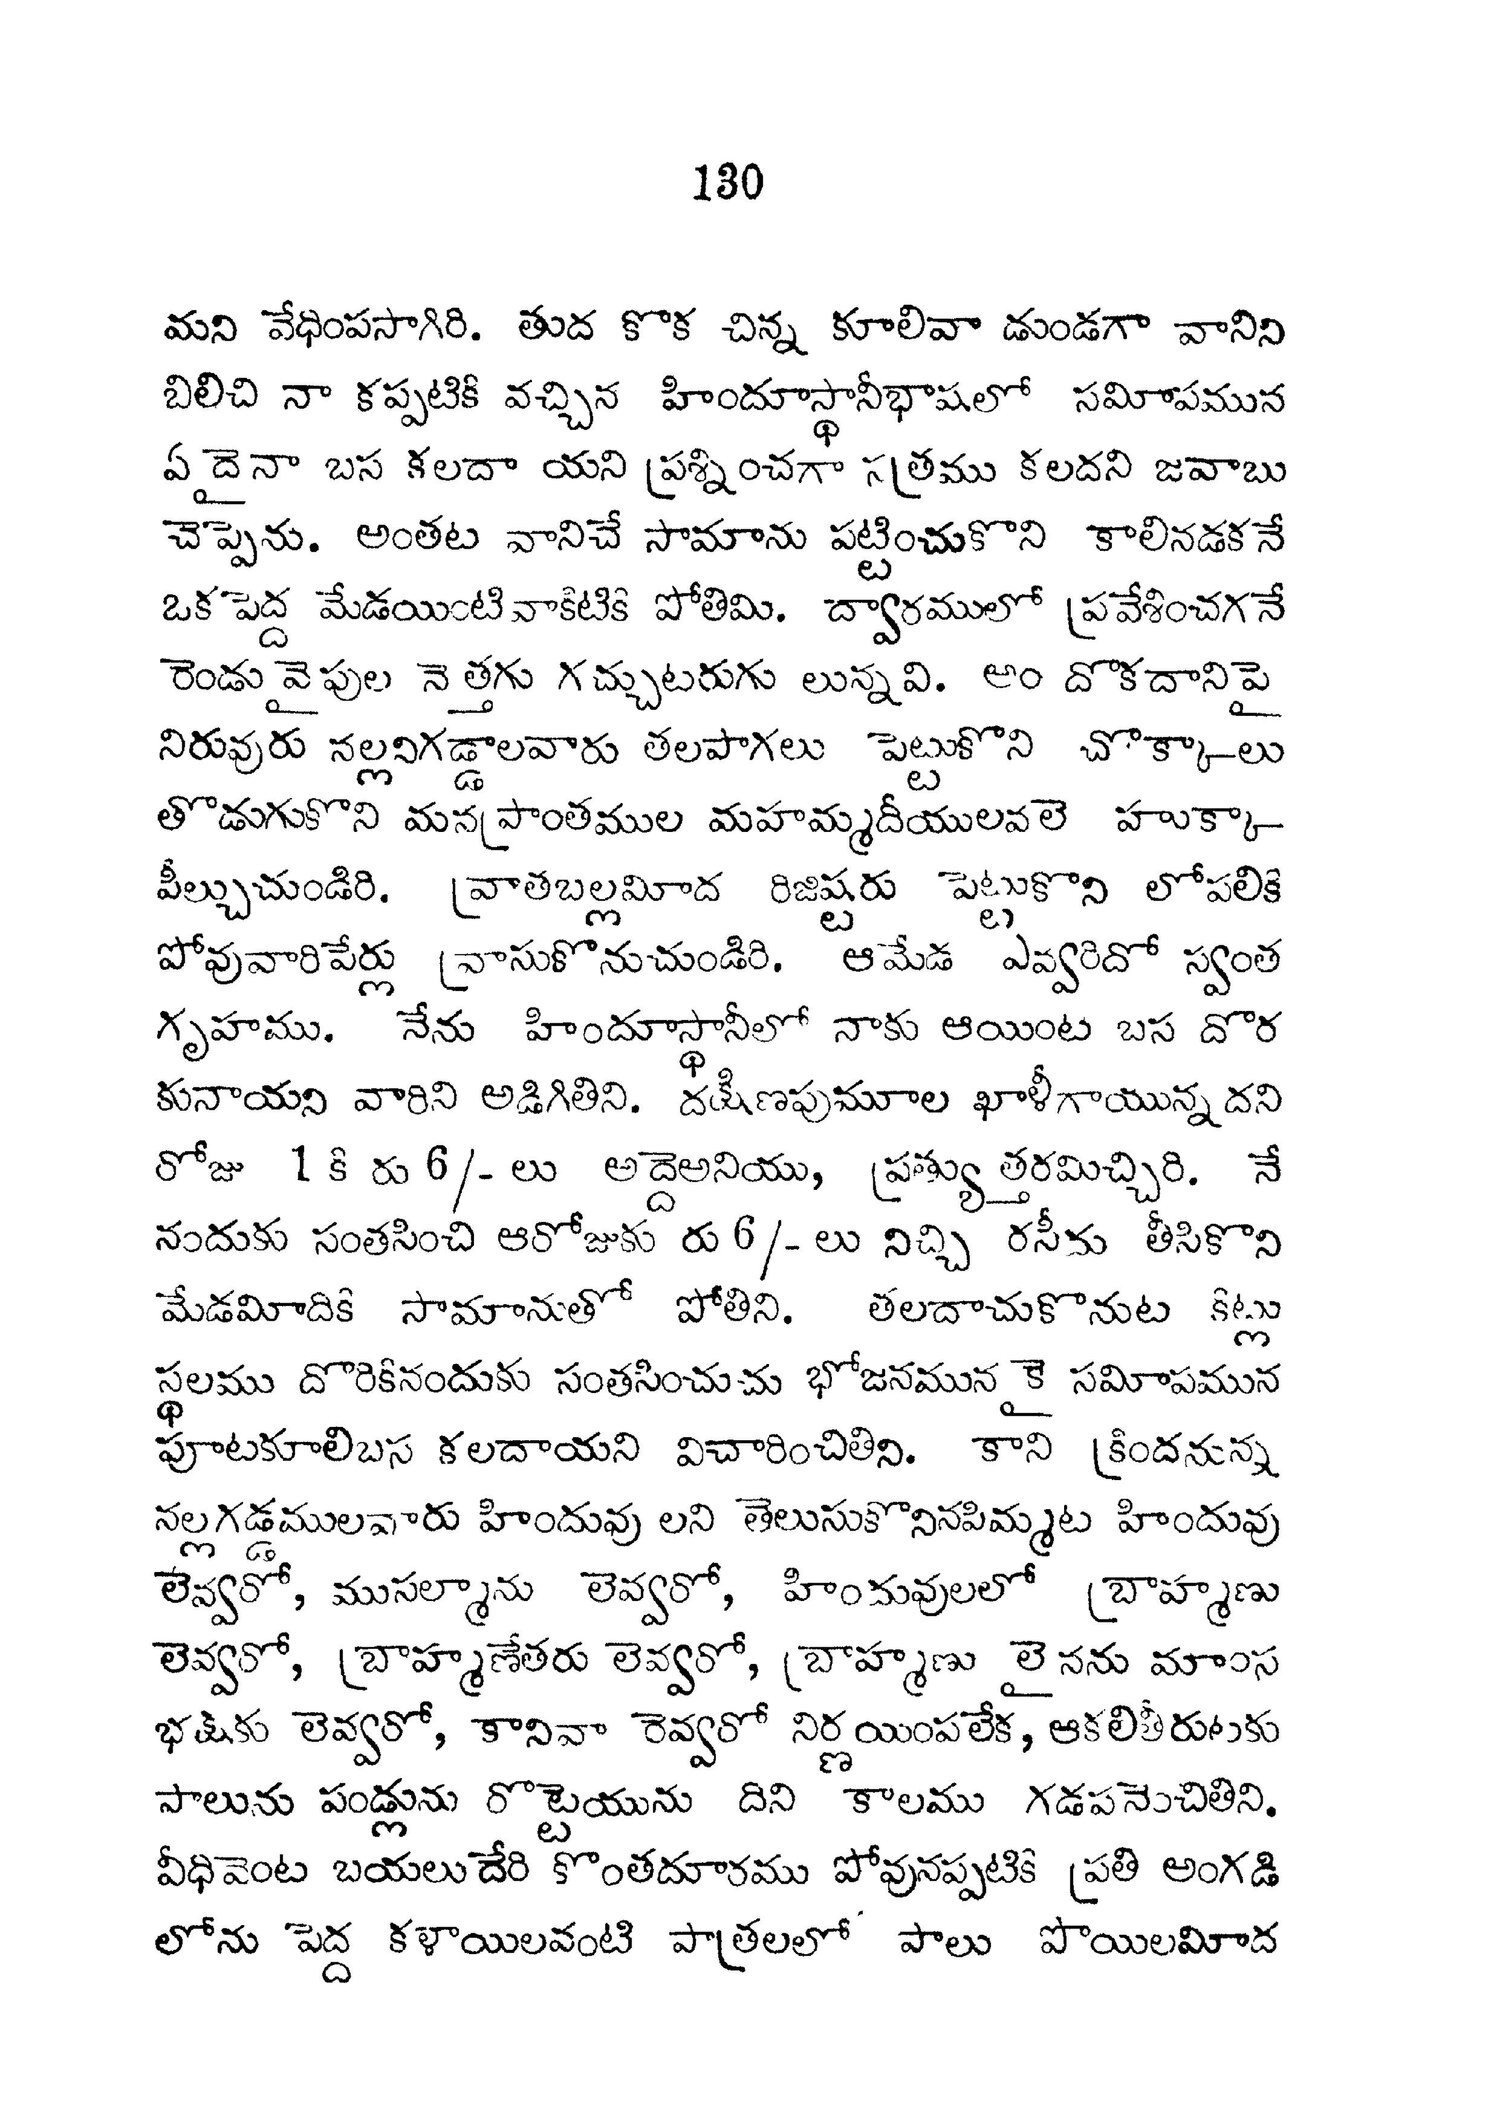మని వేధింపసాగిరి. తుద కొక చిన్న కూలీవా డుండగా వానిని బిలిచి నా కప్పటికి వచ్చిన హిందూస్థానీభాషలో సమీపమున ఏదైనా బస కలదా యని ప్రశ్నించగా సత్రము కలదని జవాబు చెప్పెను. అంతట వానిచే సామాను పట్టించుకొని కాలినడకనే ఒకపెద్ద మేడయింటివాకిటికి పోతిమి. ద్వారములో ప్రవేశించగనే రెండువైపుల నెత్తగు గచ్చుటరుగు లున్నవి. అం దొకదానిపై నిరువురు నల్లనిగడ్డాలవారు తలపాగలు పెట్టుకొని చొక్కాలు తొడుగుకొని మనప్రాంతముల మహమ్మదీయులవలె హుక్కాపీల్చుచుండిరి. వ్రాతబల్లమీద రిజిష్టరు పెట్టుకొని లోపలికి పోవువారిపేర్లు వ్రాసుకొనుచుండిరి. ఆమేడ ఎవ్వరిదో స్వంతగృహము. నేను హిందూస్థానీలో నాకు ఆయింట బస దొరకునాయని వారిని అడిగితిని. దక్షిణపుమూల ఖాళీగాయున్నదని రోజు 1కి రు 6/- లు అద్దెఅనియు, ప్రత్యుత్తరమిచ్చిరి. నేనందుకు సంతసించి ఆరోజుకు రు 6/- లు నిచ్చి రసీదు తీసికొని మేడమీదికి సామానుతో పోతిని. తలదాచుకొనుట కిట్లుస్థలము దొరకినందుకు సంతసించుచు భోజనమునకై సమీపమున పూటకూలిబస కలదాయని విచారించితిని. కాని క్రిందనున్న నల్లగడ్డములవారు హిందువు లని తెలుసుకొనినపిమ్మట హిందువు లెవ్వరో, ముసల్మాను లెవ్వరో, హిందువులలో బ్రాహ్మణు లెవ్వరో, బ్రాహ్మణేతరు లెవ్వరో, బ్రాహ్మణు లైనను మాంసభక్షకు లెవ్వరో, కానివా రెవ్వరో నిర్ణయింపలేక, ఆకలితీరుటకు పాలును పండ్లును రొట్టెయును దిని కాలము గడపనెంచితిని. వీధివెంట బయలుదేరి కొంతదూరము పోవునప్పటికి ప్రతి అంగడిలోను పెద్ద కళాయిలవంటి పాత్రలలో పాలు పొయిలమీద